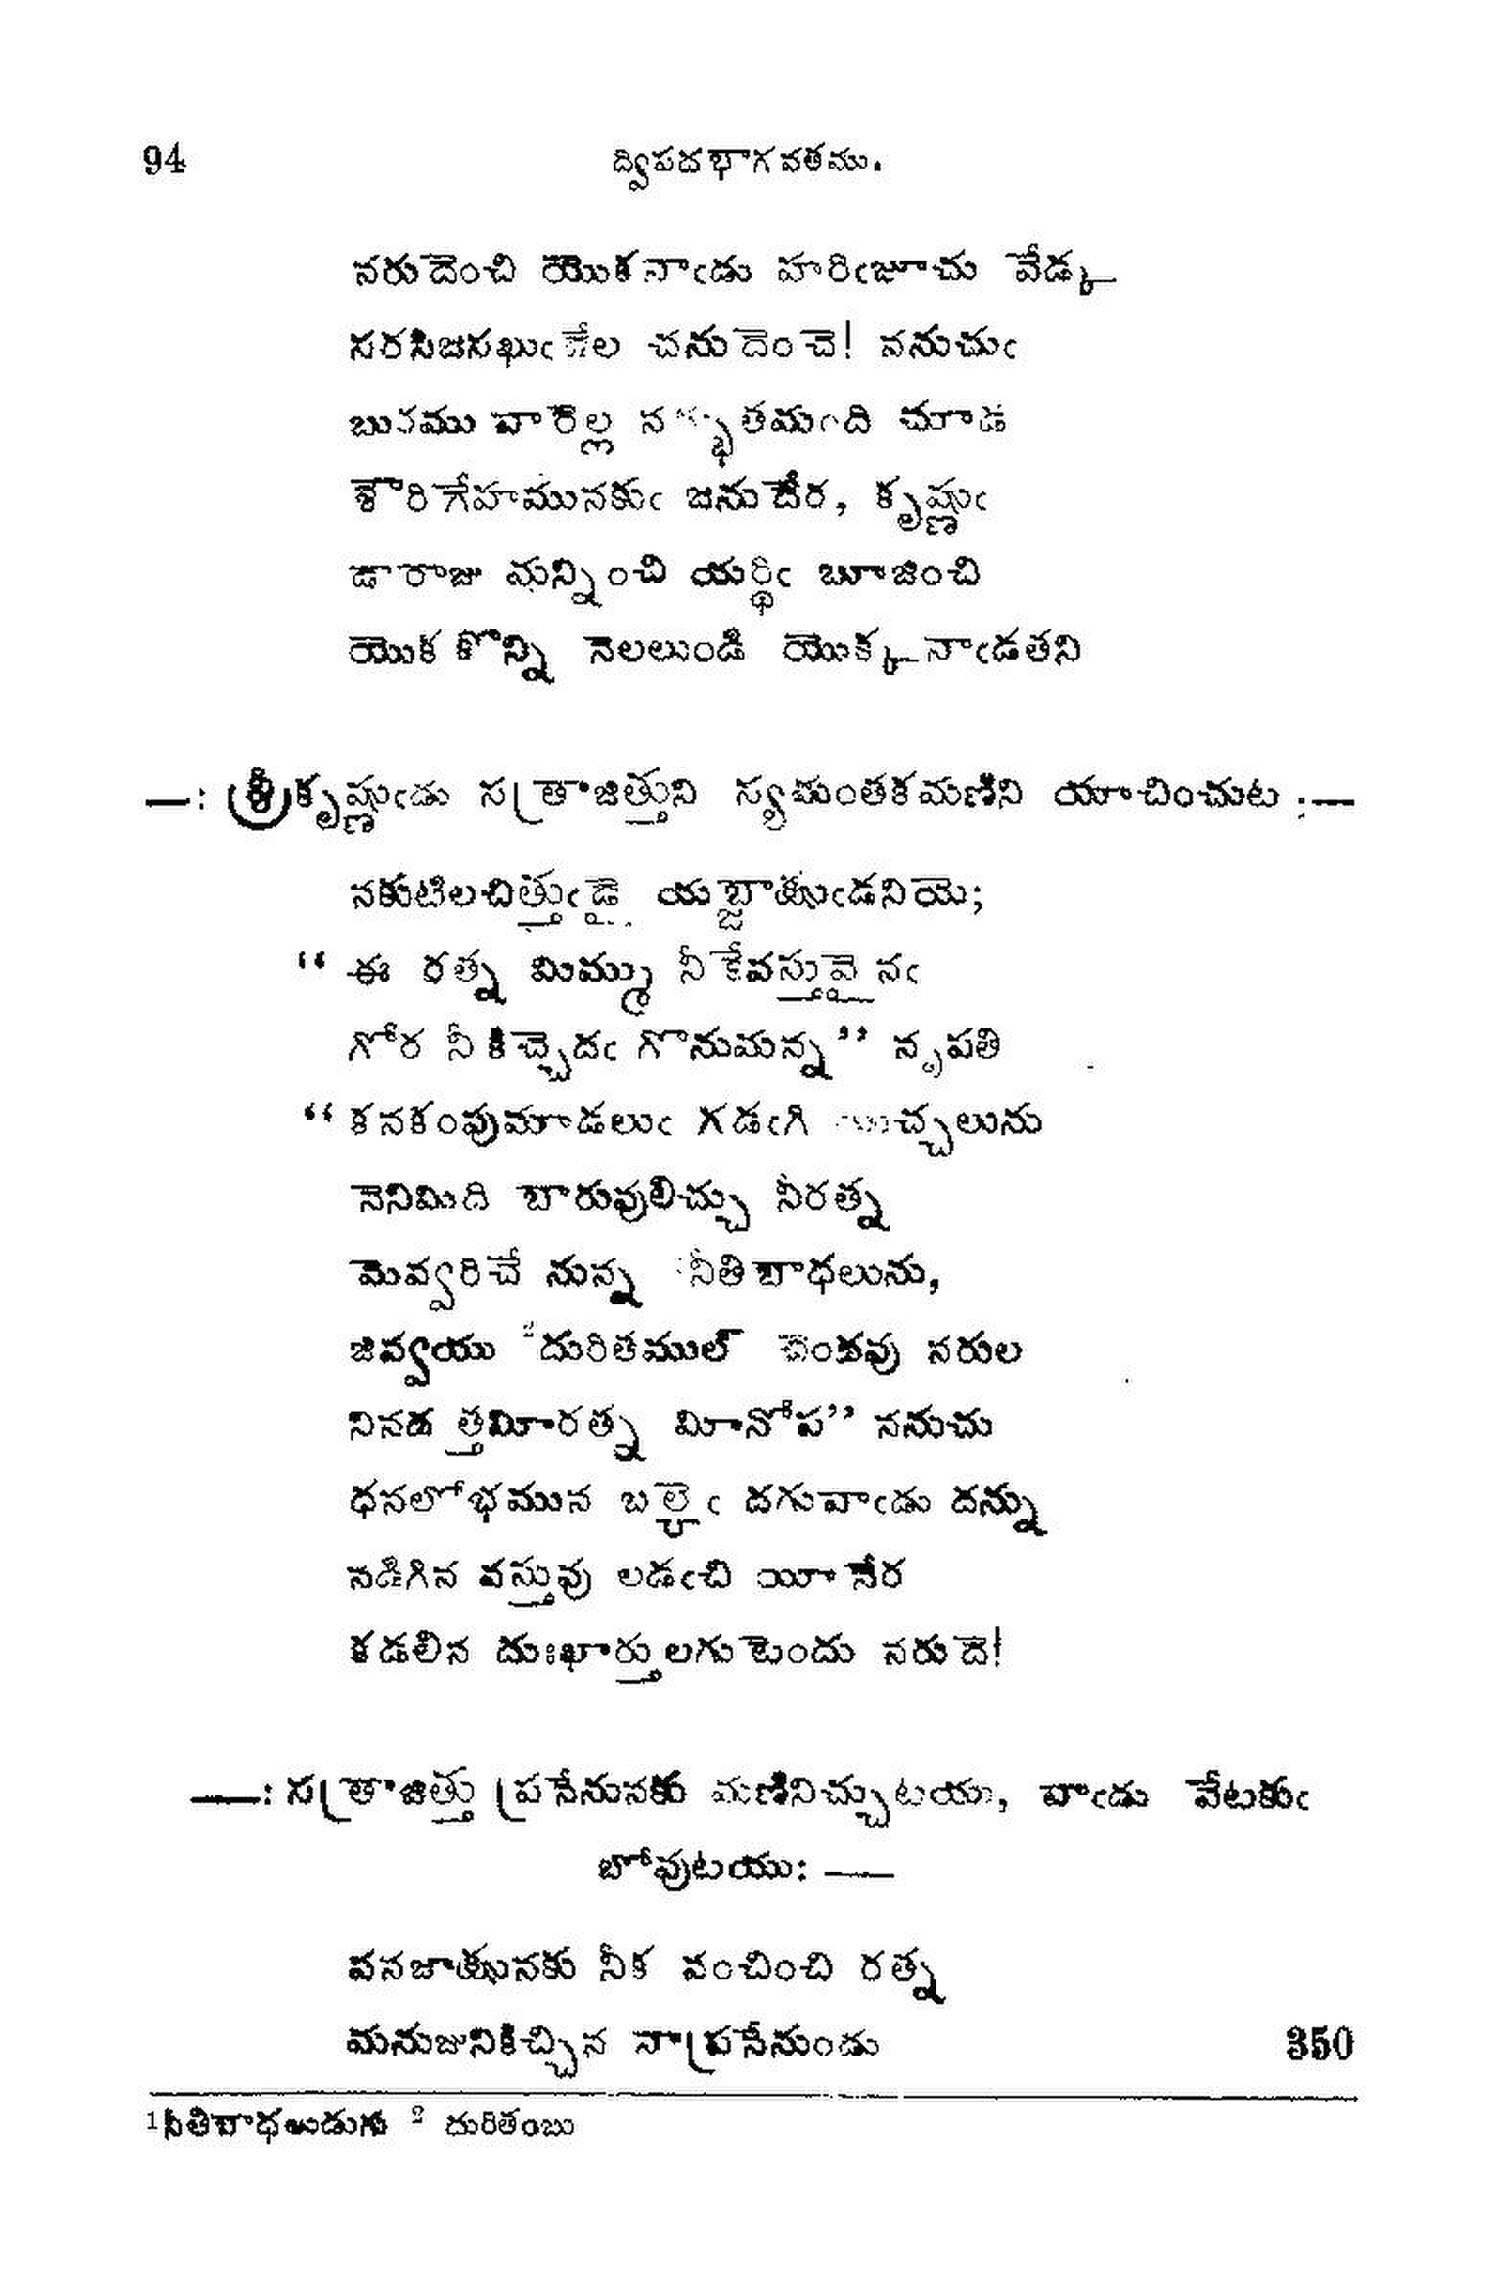నరుదెంచి యొకనాఁడు హరిఁజూచు వేడ్క
సరసిజసఖుఁ డేల చనుదెంచె! ననుచుఁ
బురము వారెల్ల నద్భుతమంది చూడ
శౌరిగేహమునకుఁ జనుదేర, కృష్ణుఁ
డారాజు మన్నించి యర్థిఁ బూజించి
యొక కొన్నినెల లుండి యొక్కనాఁ డతని

నకుటిలచిత్తుఁడై యబ్జాక్షుఁ డనియె;
“ఈ రత్న మిమ్ము నీ కేవస్తువైనఁ
గోర నీ కిచ్చెదఁ గొనుమన్న" నృపతి
“కనకంపుమాడలుఁ గడఁగి యిచ్చలును
నెనిమిది బారువులిచ్చు నీరత్న
మెవ్వరిచే నున్న నీతిబాధలును,
జివ్వయు దురితముల్ చెందవు నరుల
నినదత్తమీరత్న మీనోప” ననుచు
ధనలోభమున బల్కెఁ దగువాఁడు దన్ను
నడిగిన వస్తువు లడఁచి యీనేర
కడలిన దుఃఖార్తులగుటెందు నరుదె!

వనజాక్షునకు నీక వంచించి రత్న
మనుజునికిచ్చిన నాప్రసేనుండు